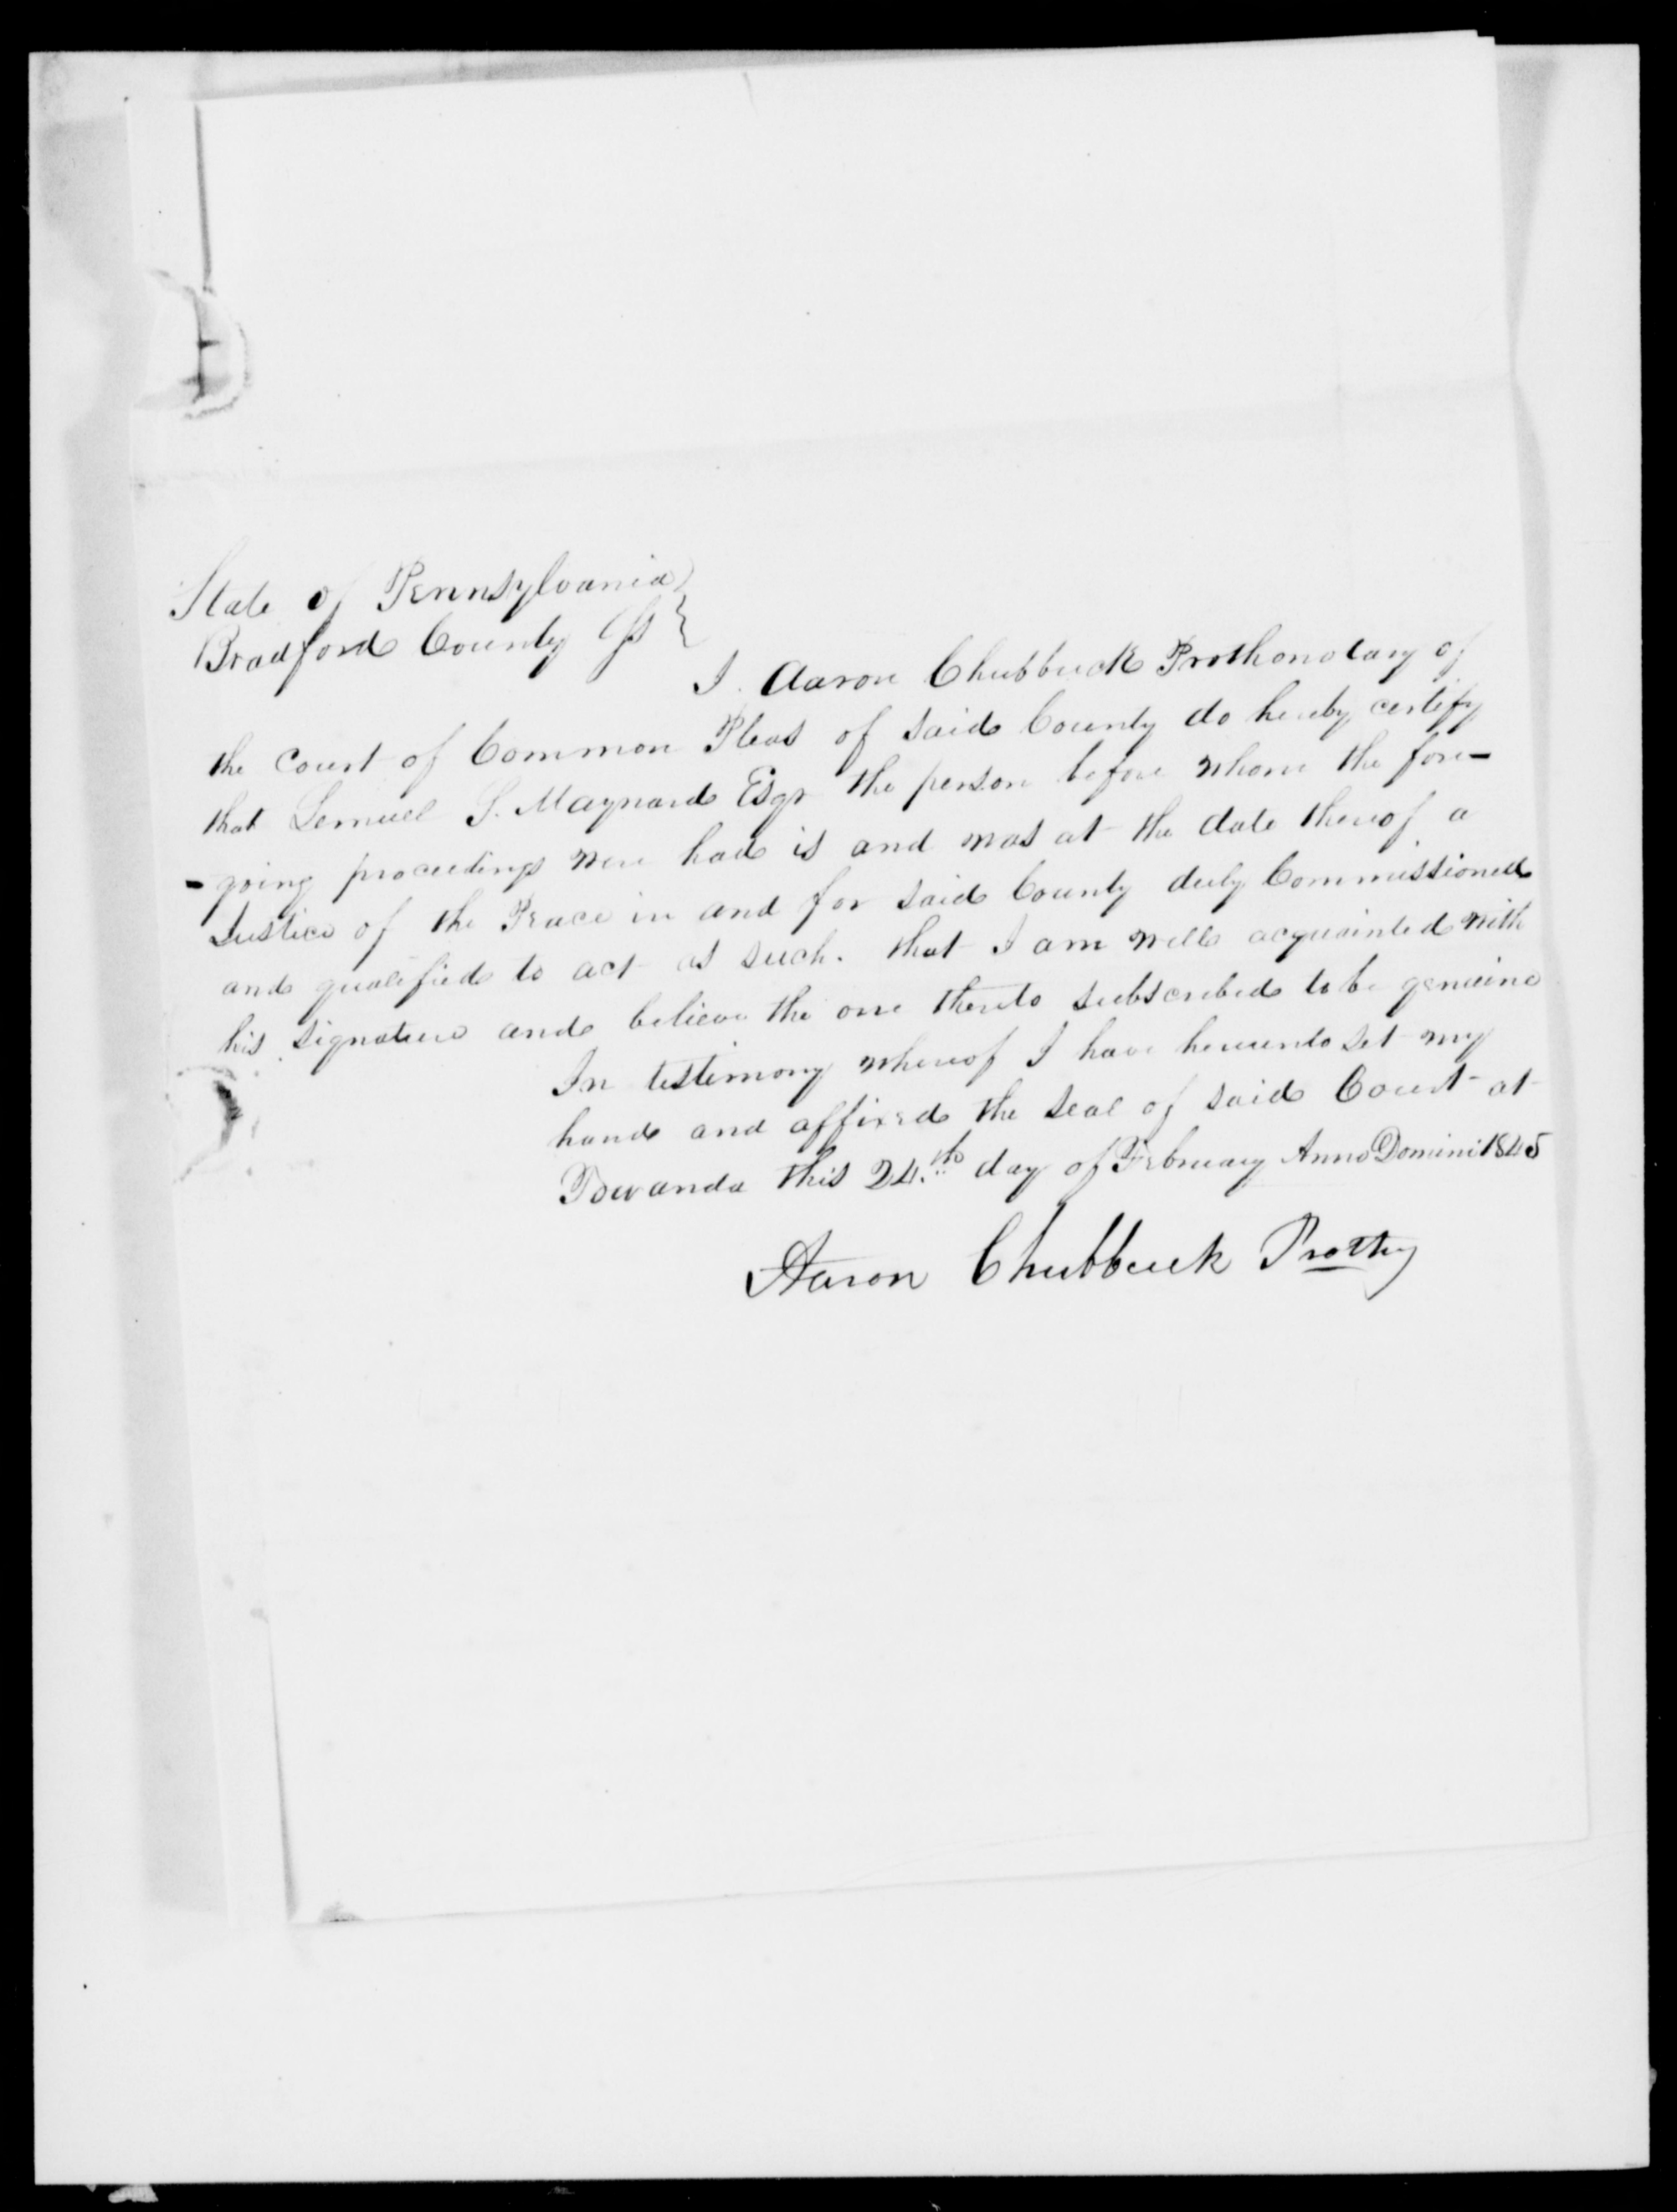State of Pennsylvania}
Bradford County ss}

I, Aaron Chubbuck, Prothonotary of the court of Common Pleas of said County do hereby certify that Lemuel S. Maynard Esq., the person before whom the foregoing proceedings were had, is and was at the date thereof a Justice of the Peace in and for said county duly commissioned and qualified to act as such.  That I am well acquainted with his signature and believe the one thereto subscribed to be genuine.

In testimony whereof I have hereunto set my hand and affixed the seal of said Court at Towanda this 24th day of February Anno Domini 1845.
Aaron Chubbuck  Prothy.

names: Lemuel S Maynard, Aaron Chubbuck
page: 11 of 70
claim: widow's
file: W. 3743, Dan Wattles, Conn.